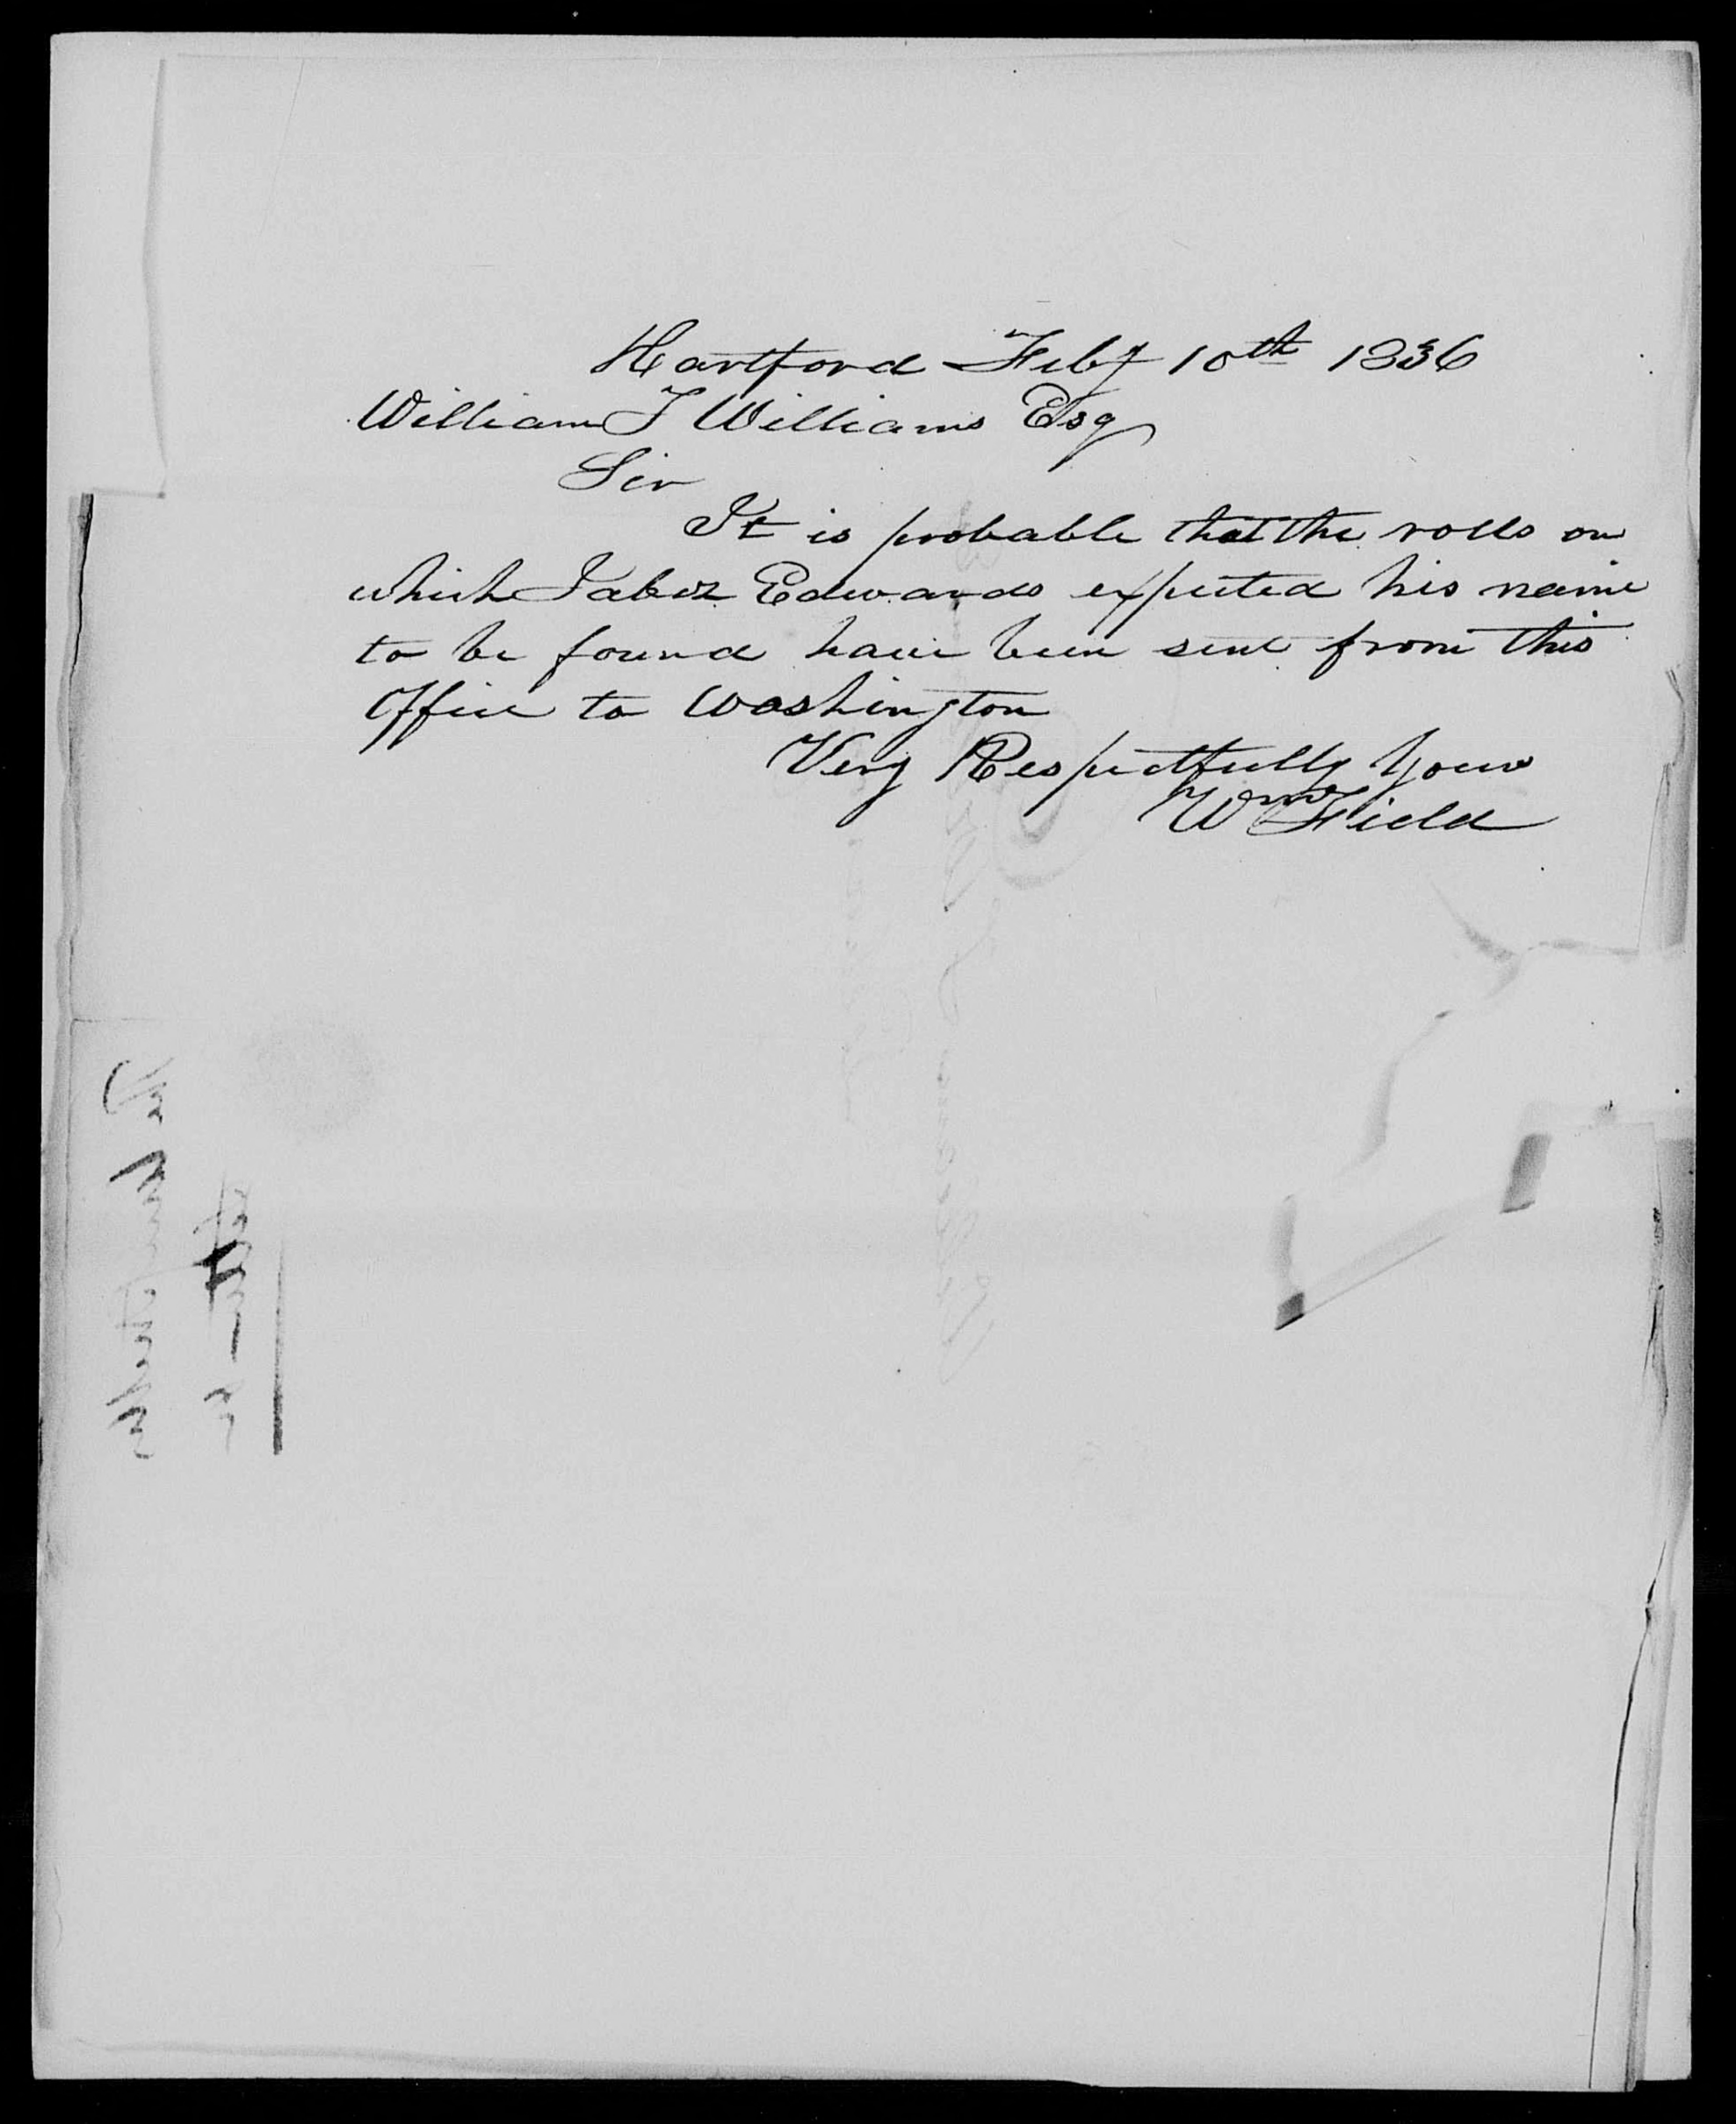Hartford Feb 10th 1836
William T. Williams Esq

Fir
It is probably that the rolls on which Jabez Edwards expected his name to be found have been sent from this office to Washington.

Very respectfully yours,
Wm. Field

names: Wm Field, William T Williams, Jabez Edwards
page: 17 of 50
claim: survivor's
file: S 10607, Jabez Edwards, Conn.